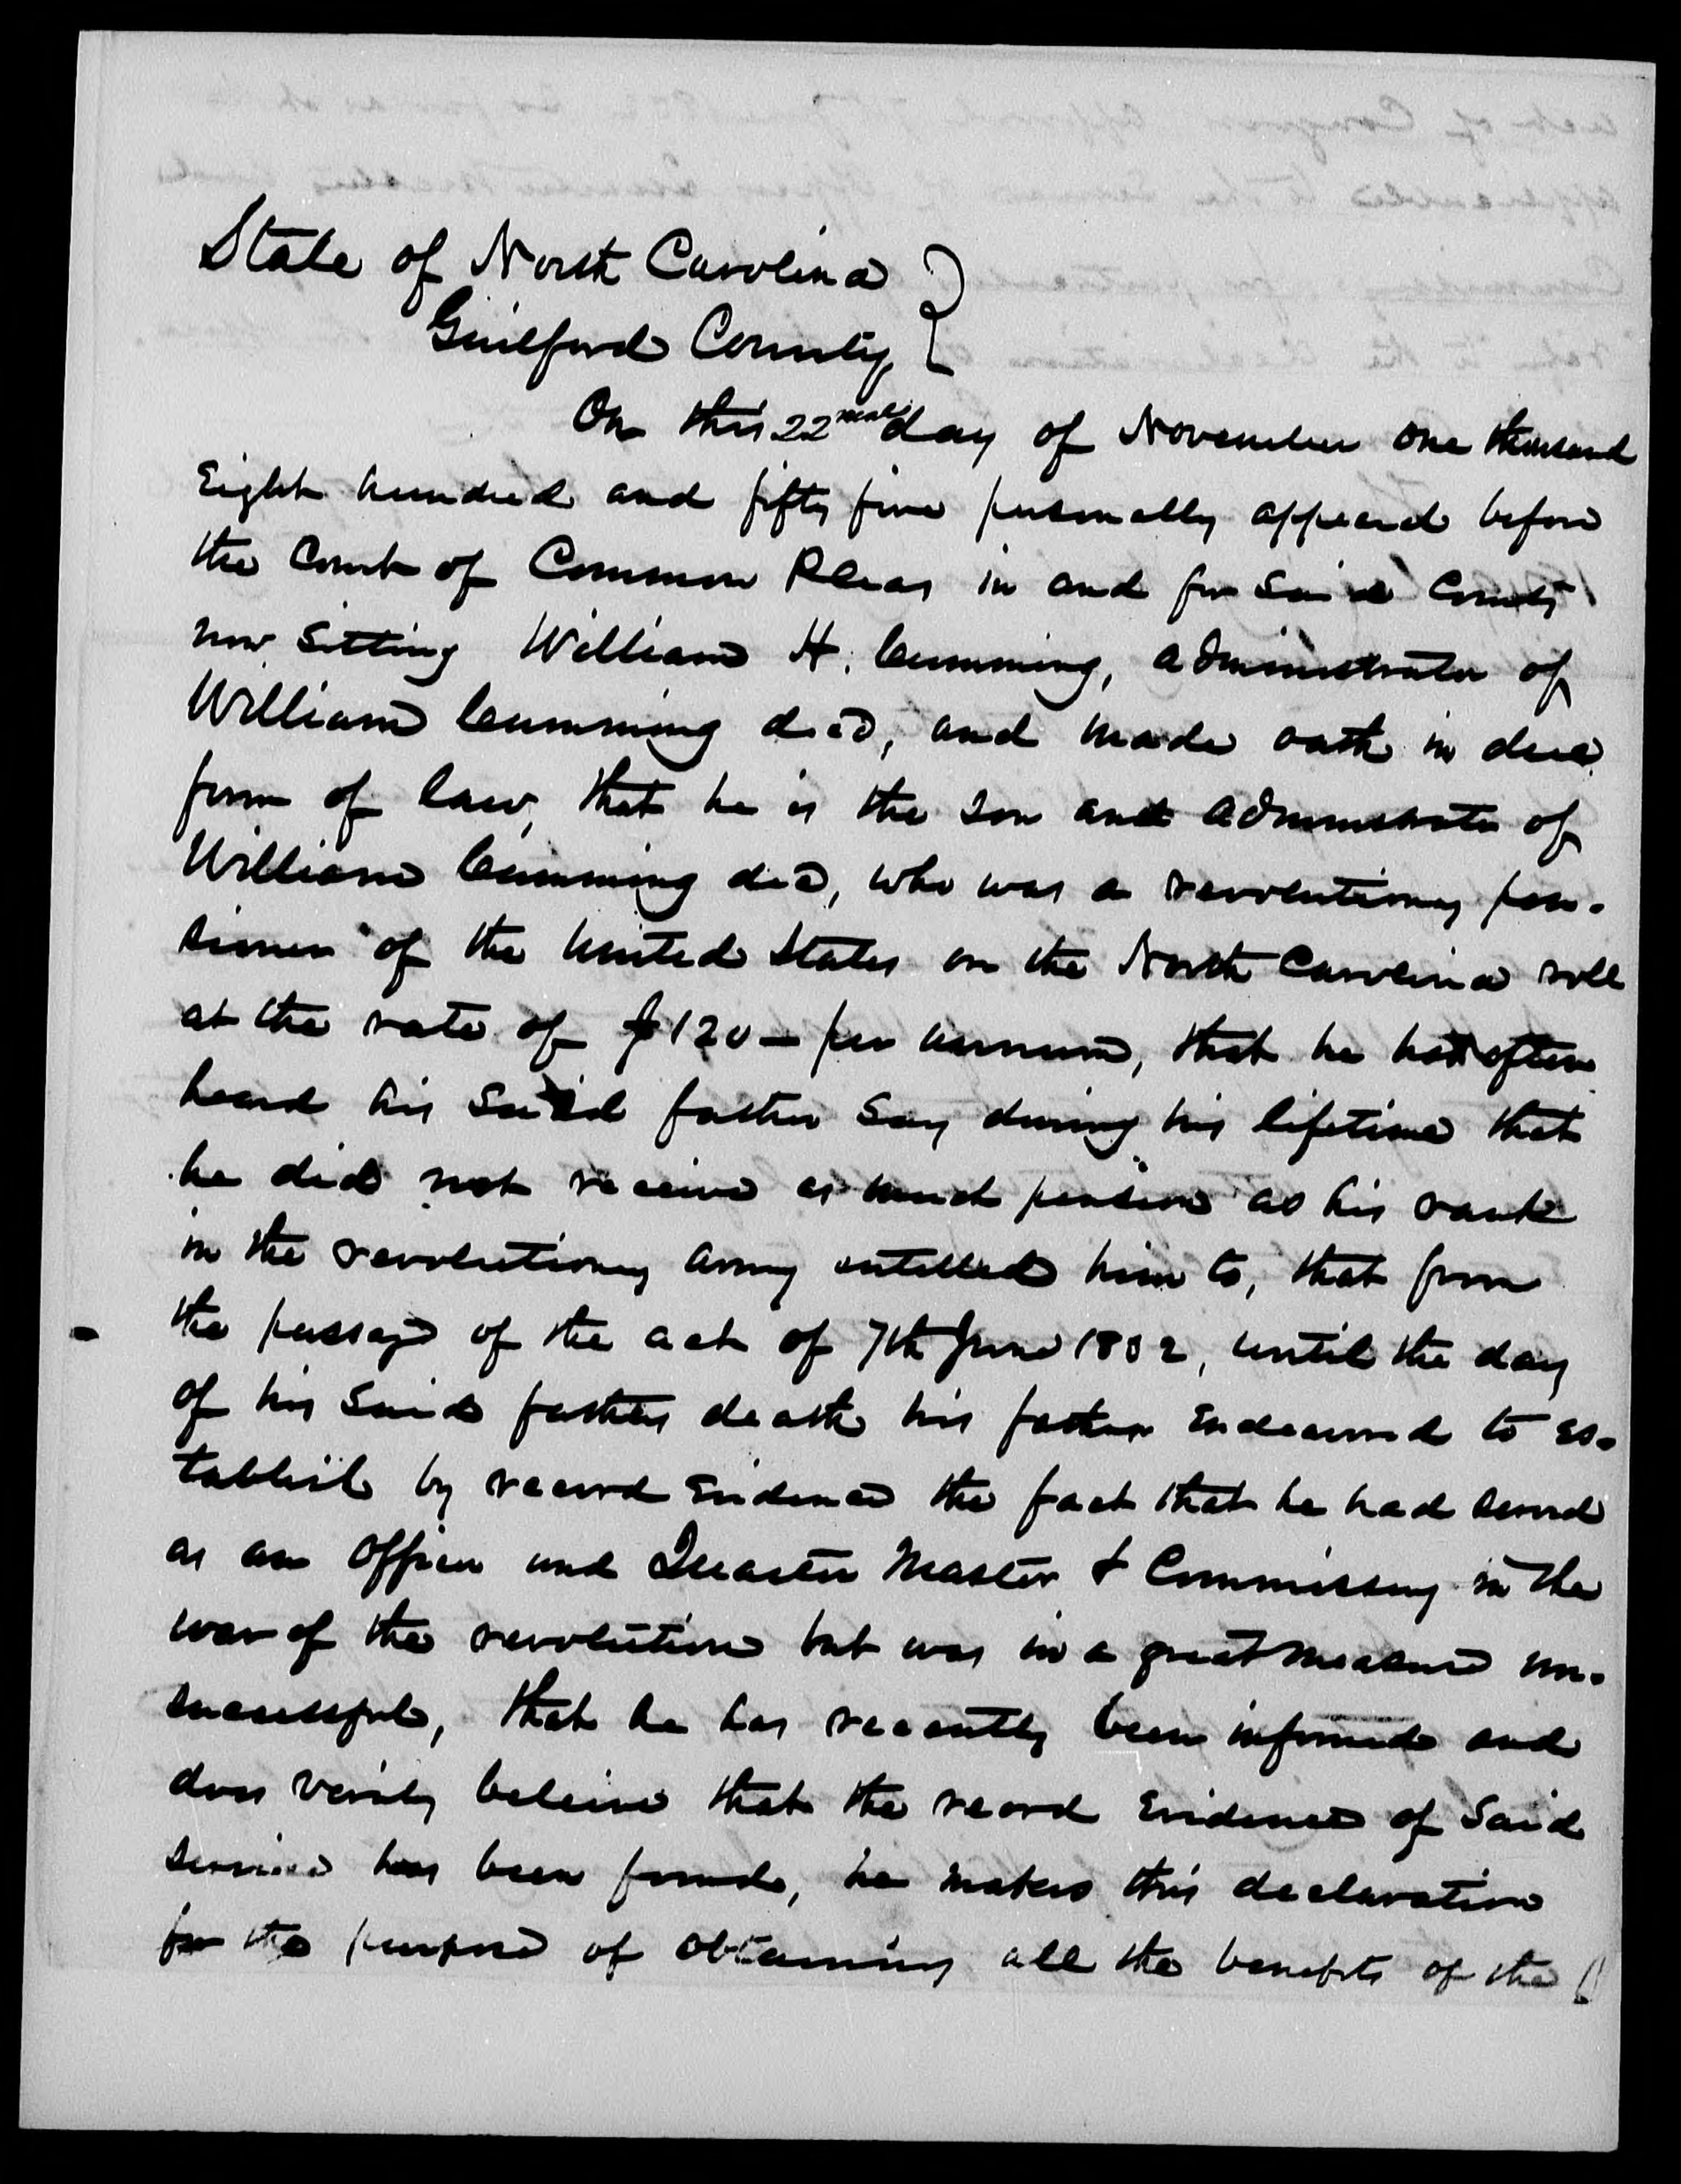[Handwritten record]

State of North Carolina)
Guilford County)

On this 22nd day of November one thousand Eight hundred and fifty five personally appeared before the Court of Common Pleas in and for said County now Sitting William H. Cumming, administrator of William Cumming decd, and made oath in due form of law, that he is the son and adminstrater of William Cumming decd, who was a revolutionary pensioner of the United States on the North Carolina roll at the rate of $120 - per annum, that he has [or had] often heard his Said father Say during his lifetime that he did not receive [? or want] pension as his [?] rank in the revolutionary Army entitled him to, 

[Occasional spacing has been included to make the long text easier to read:]

that from the passage of the Act of 7th June 1832, until the day of his Said fathers death his father indeavored] to establish by record Evidence the fact that he had Served as an Officer and Quarter Master and Commissary in the War of the revolution but was in a great Measure unsuccessful, that he has recently been informed and does verily believe that the record Evidence of Said Service has been found, he makes this declaration for the [?]purpose of Obtaining all the benefits of the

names: William Cumming, William Cumming, William H Cumming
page: 3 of 145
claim: survivor's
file: S. 8265, William Cumming, N.C.